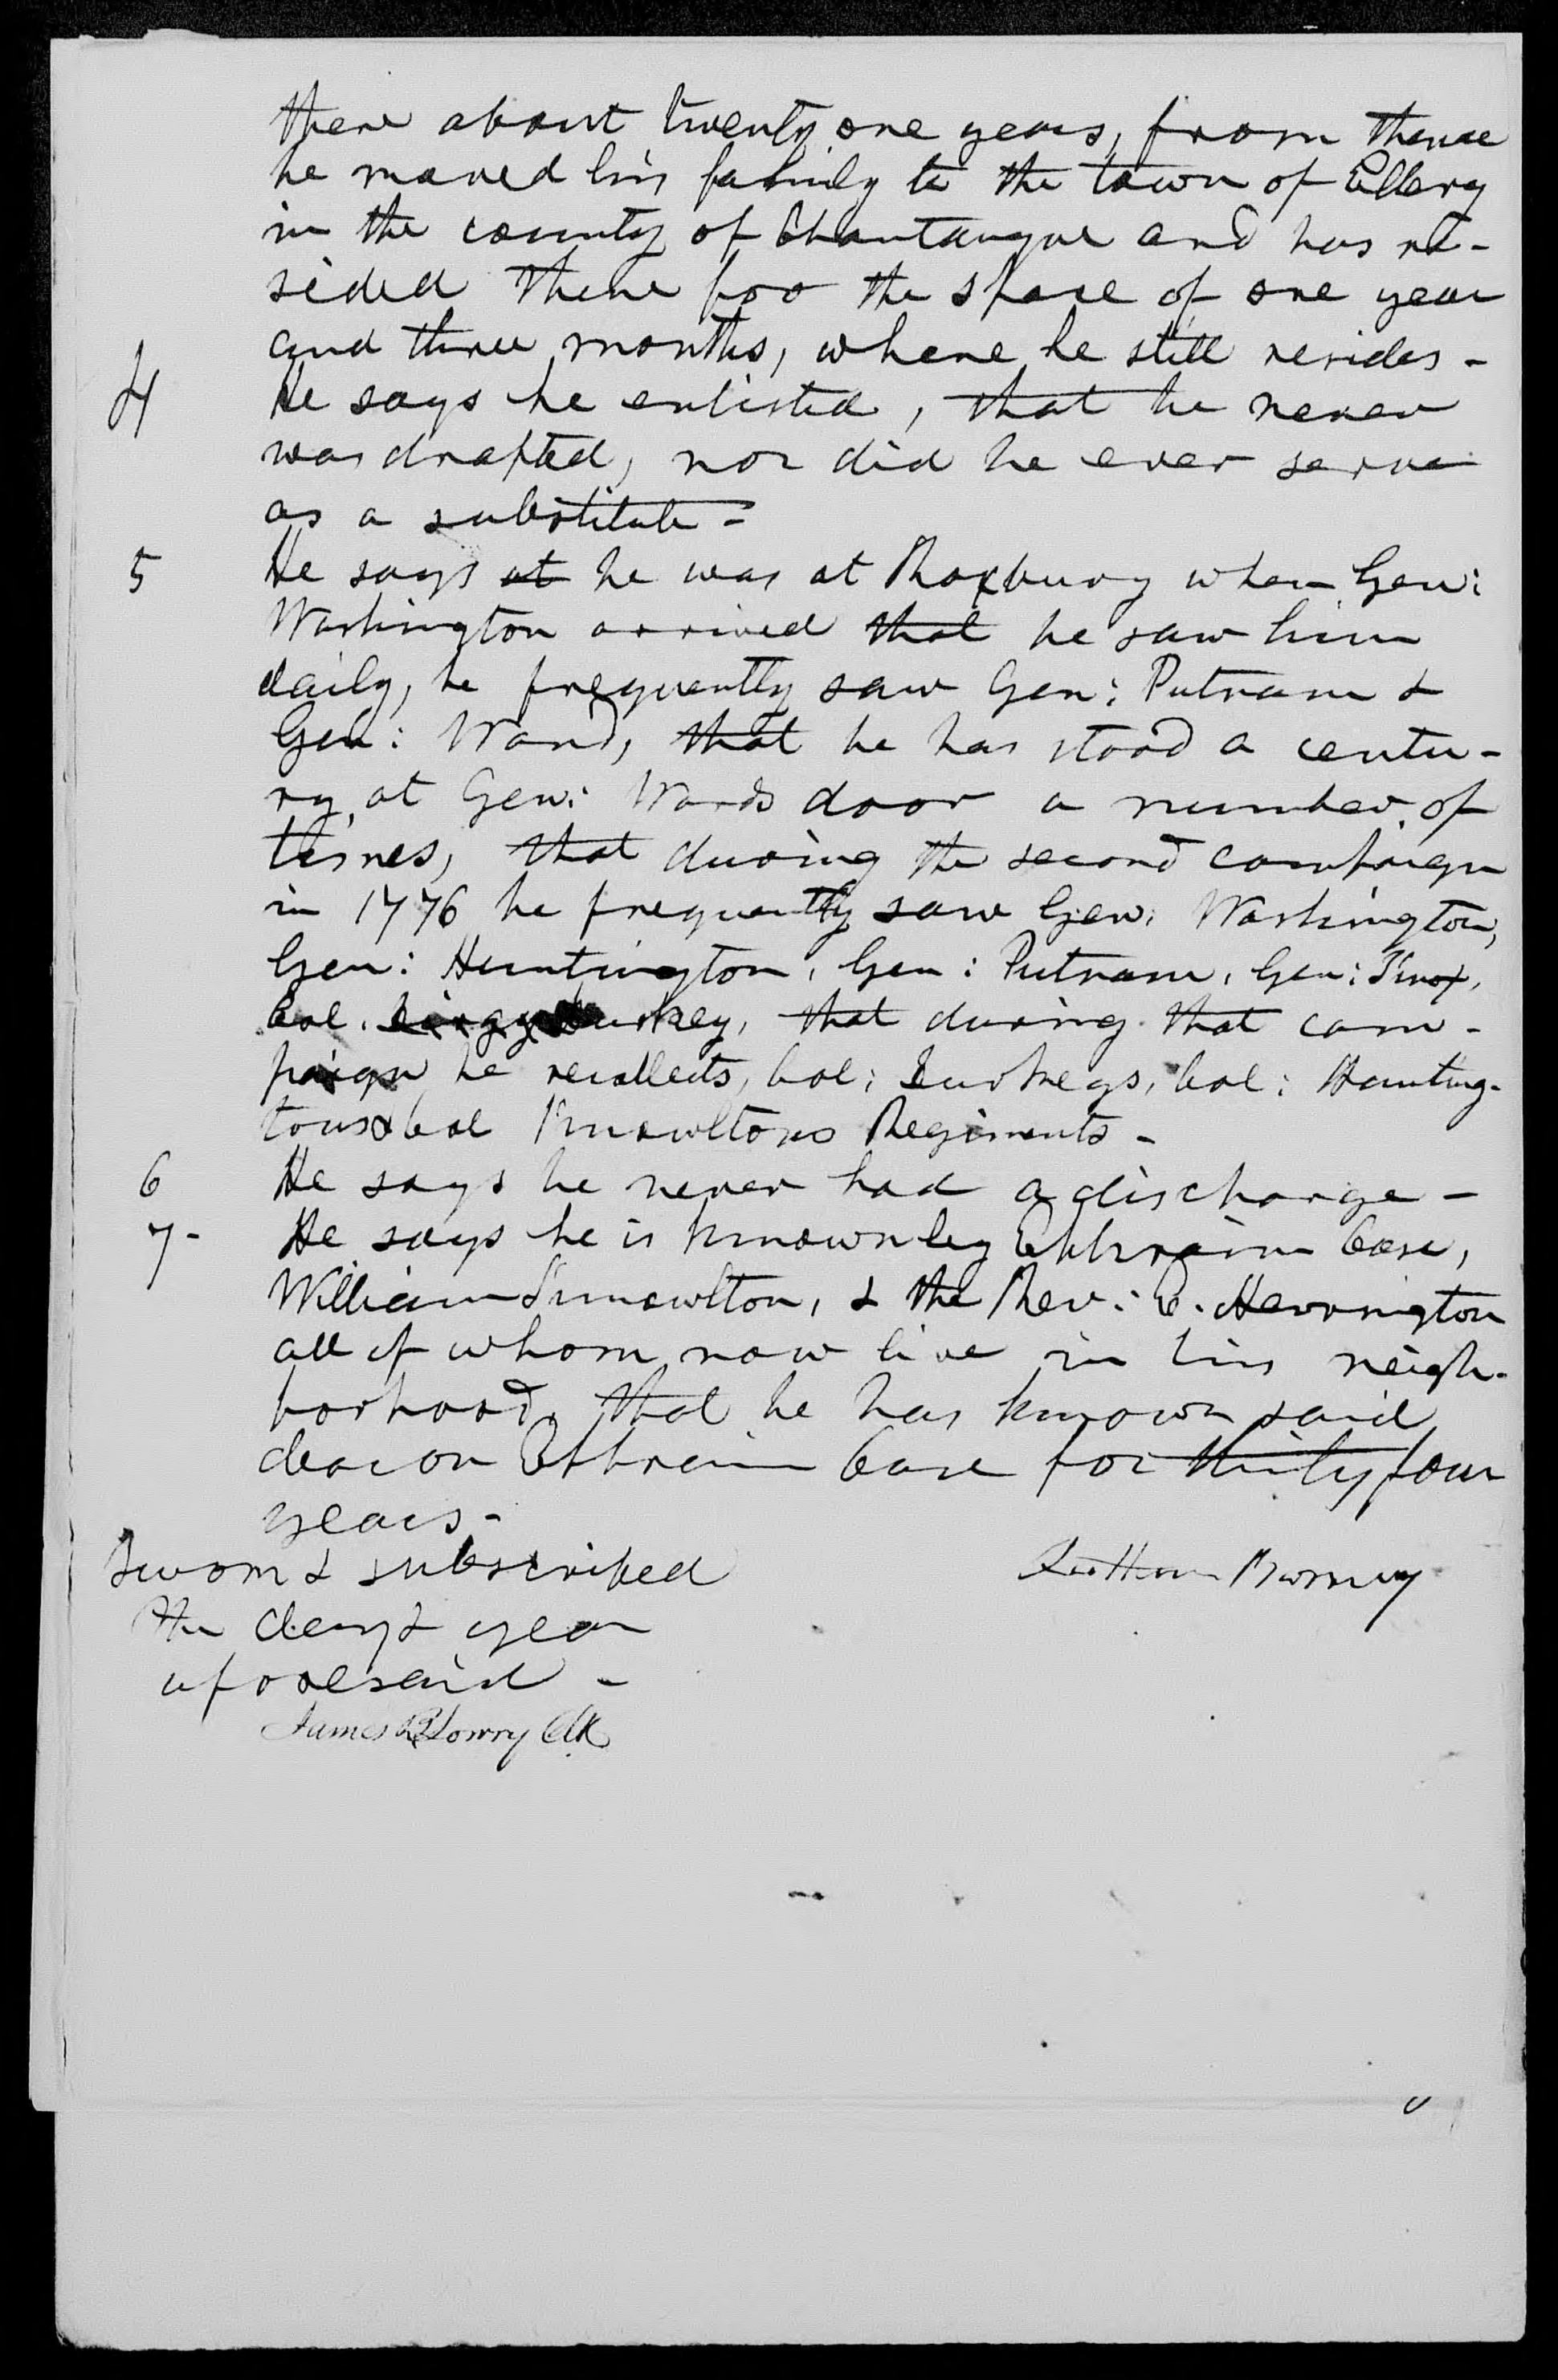there about twenty one years, from thence
he moved his family to the town of Ellery
in the County of Chautauqua and has resided
there for the space of one year
and three months, where he still resides - he
says he enlisted, that he never
was drafted, nor did he ever serve
as a substitute-
He says he was at Roxbury when Gen
Washington arrived that he saw him
daily, he frequently saw Gen. Putnam &
Gen. Ward, that he has stood a century
at Gen. Wards door a number of
times, that during the second campaign
in 1776 he frequently saw Gen Washington,
Gen. Huntington, Gen. Putnam, Gen. Knox,
and [illegible], that during that campaign
he recollects, Col [illegible], Col Huntington
and Col Knowltons Regiments -
He says he never had a discharge-
He says he is known by Ephraim Case,
William Knowlton, & the Rev. E. Harrington
all of whom now live in his neighborhood that he has known said
clear on Ephraim Case for thirty four
years
Sworn & subscribed
the day & year aforesaid -
James B Lowry Clk
Luther Barney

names: Putnam, Wards, William Knowlton, Washington, Knox, Ephraim Case, E Herrington, Wards, James B Lowry, Huntington, Luther Barney, Putnam, Ephraim Case, Washington, Durkey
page: 8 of 61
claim: widow's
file: W. 4.124, Luther Barney, Conn. Privateer.